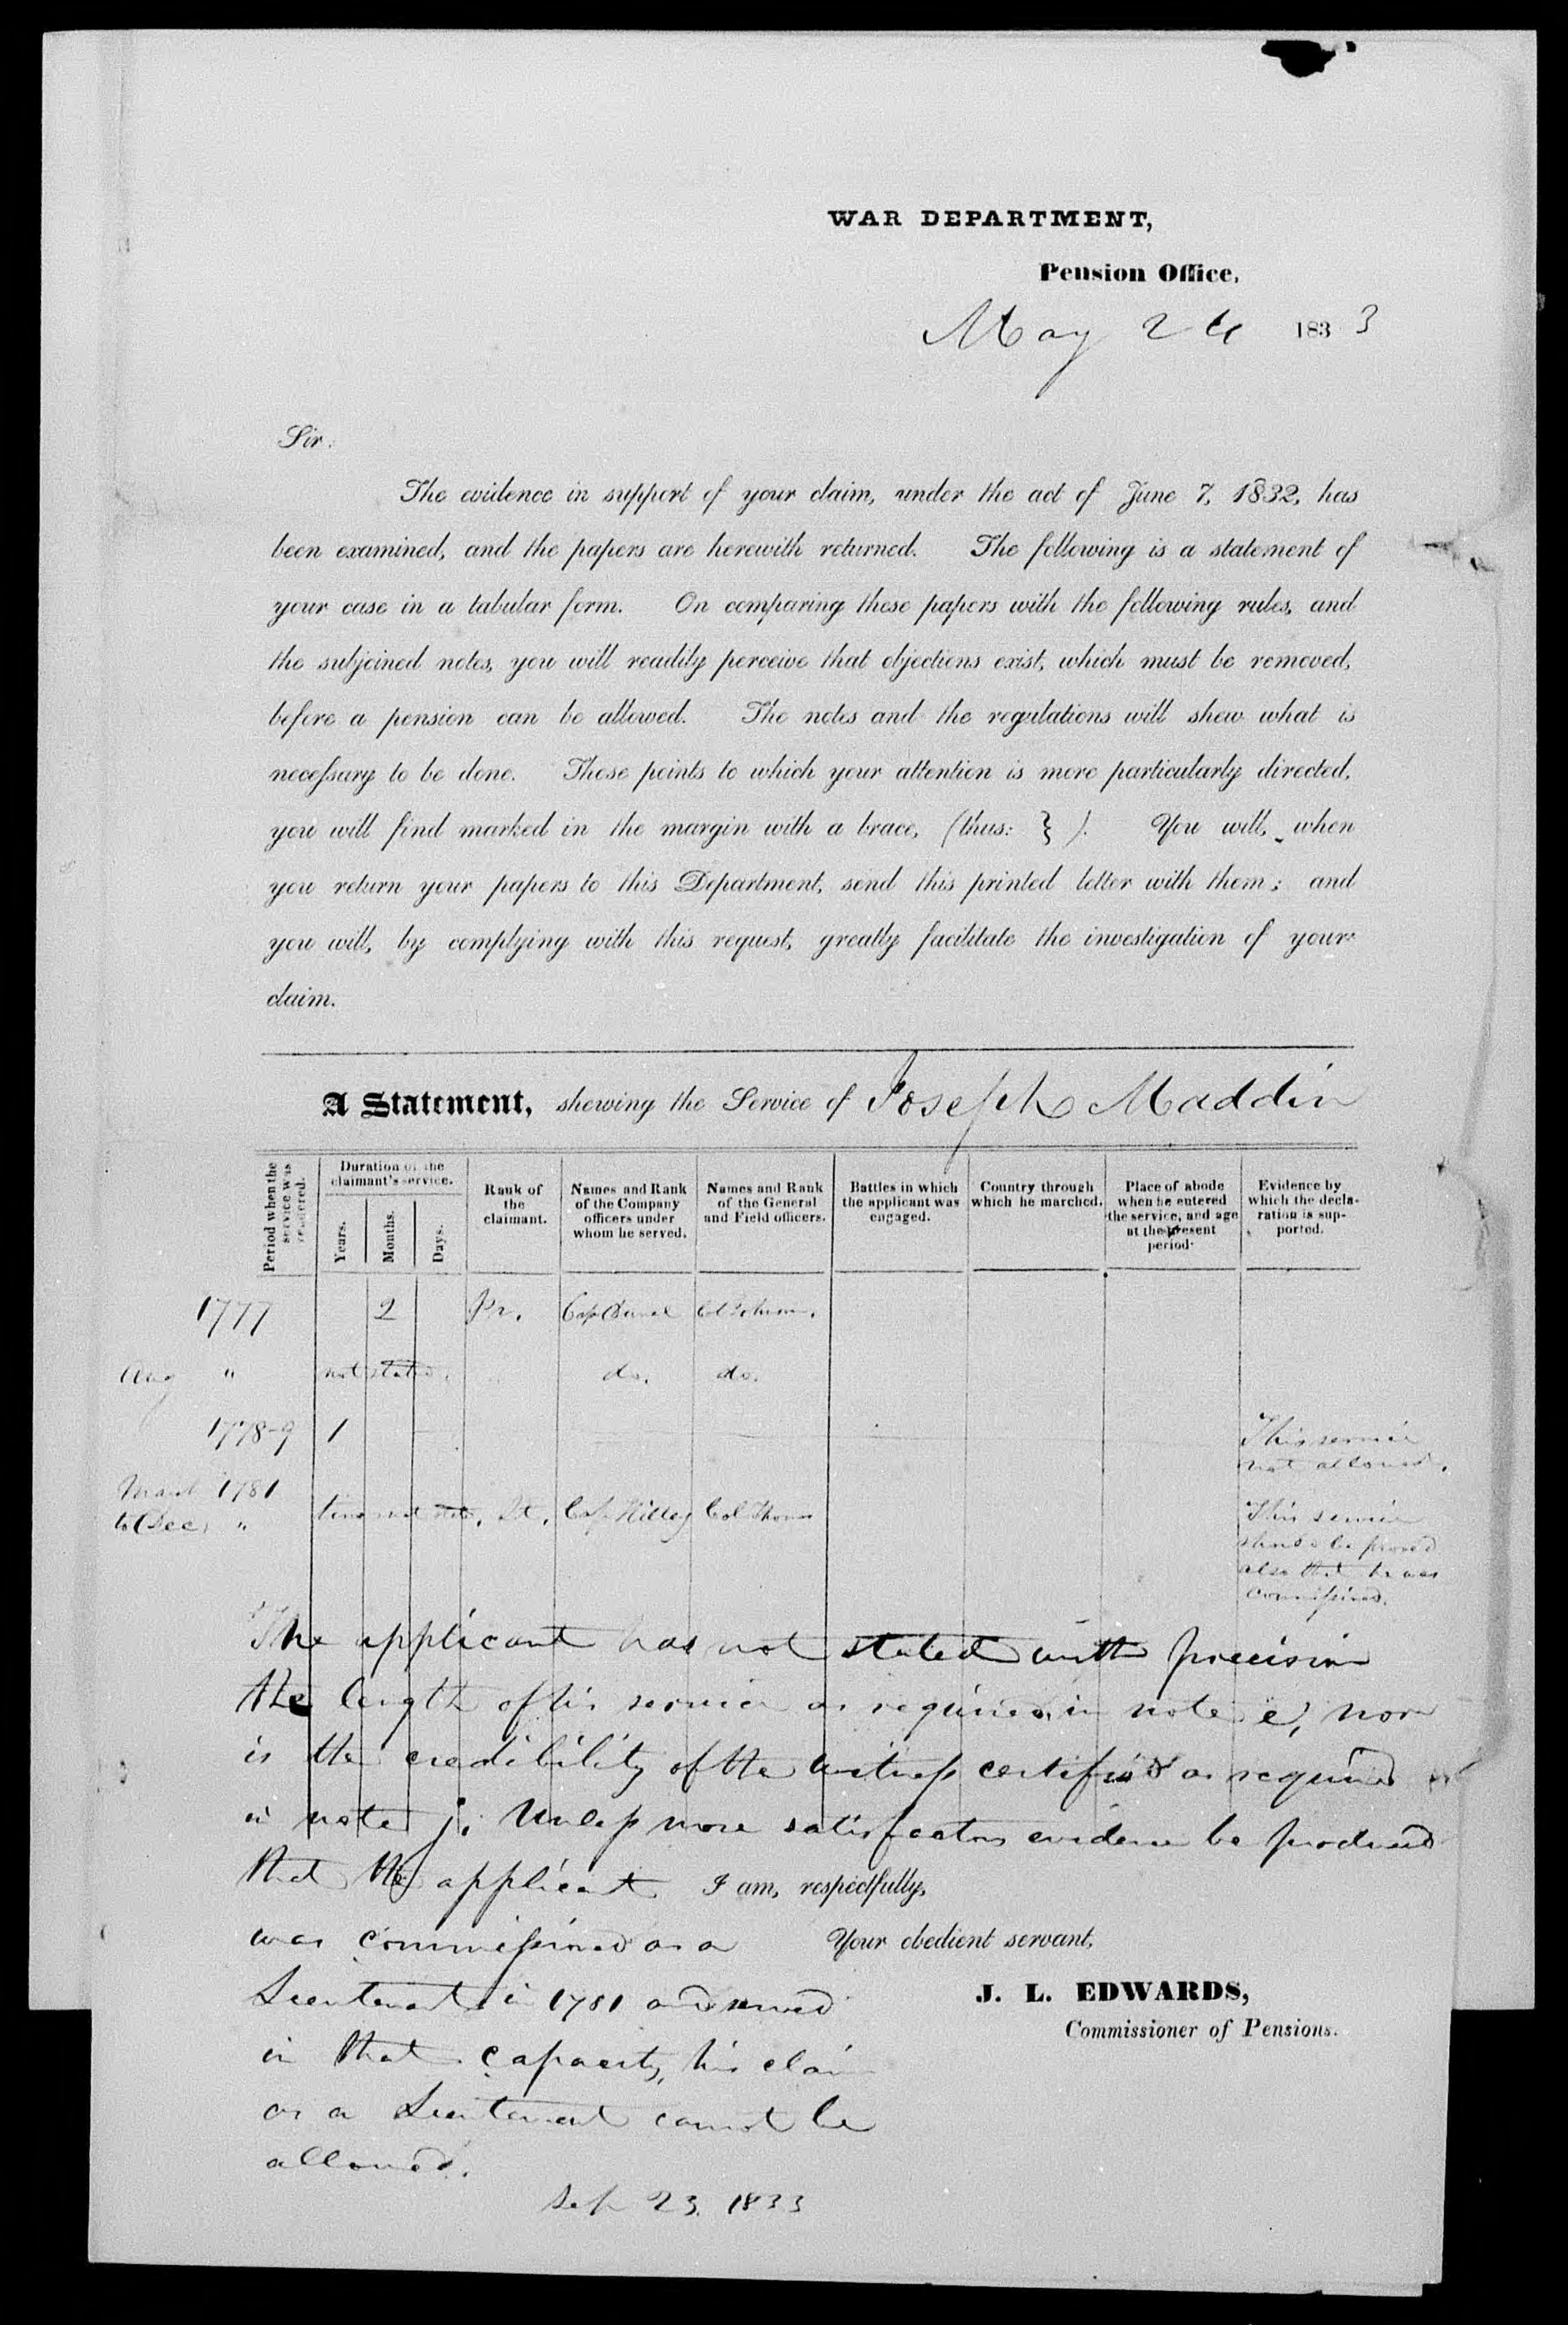WAR DEPARTMENT,
Pension Office,
May 26 1833
Sir,
The evidence in support of your claim, under the act of June 7, 1832, has been examined, and the papers are herewith returned. The following is a statement of your case in a tabular form. On comparing these papers with the following rules, and the subjoined notes, you will readily perceive that objections exist, which must be removed, before a pension can be allowed. The notes and the regulations will shew what is necessary to be done. Those points to which your attention is more particularly directed, you will find marked in the margin with a brace, (thus: } ). You will, when you return your papers to this Department, send this printed letter with them; and you will, by complying with this request, greatly facilitate the investigation of your claim.
----------
A Statement, showing the Service of Joseph Maddin
----------
----------
Period when the service was rendered
1777
Aug "
1778-9
March 1781
to Dec. "
|
Duration of the claimant's service
Years | Months | Days.
1 | 2 months
|
Rank of the claimant.
Pr.
|
Names and Rank of the Company officers under whom he served.
Capt [illegible]
do.
Capt Rilley
|
Names and Rank of the General and Field officers.
Col Thomas
do.
Col Thomas
|
Battles in which the applicant was engaged.
|
Country through which he marched.
|
Place of abode when he entered the service, and age at the present period.
|
Evidence by which the declaration is supported.
This service that allowed
This service [illegible] be proved also that he was [illegible]

The applicant has not stated with precision the length of his service or required in the note e , nor is the credibility of the witness certified as required in note j. Unless more satisfactory evidence be produced and the applicant was commissioned as a Lieutenant in 1781 and served in that capacity, his claim as a Lieutenant cannot be allowed.

I am, respectfully,
Your obedient servant,
J. L. EDWARDS,
Commissioner of Pensions.


Sep 23 1833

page: 8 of 14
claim: survivor's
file: S 31237, for Joseph Maddin, Maryland